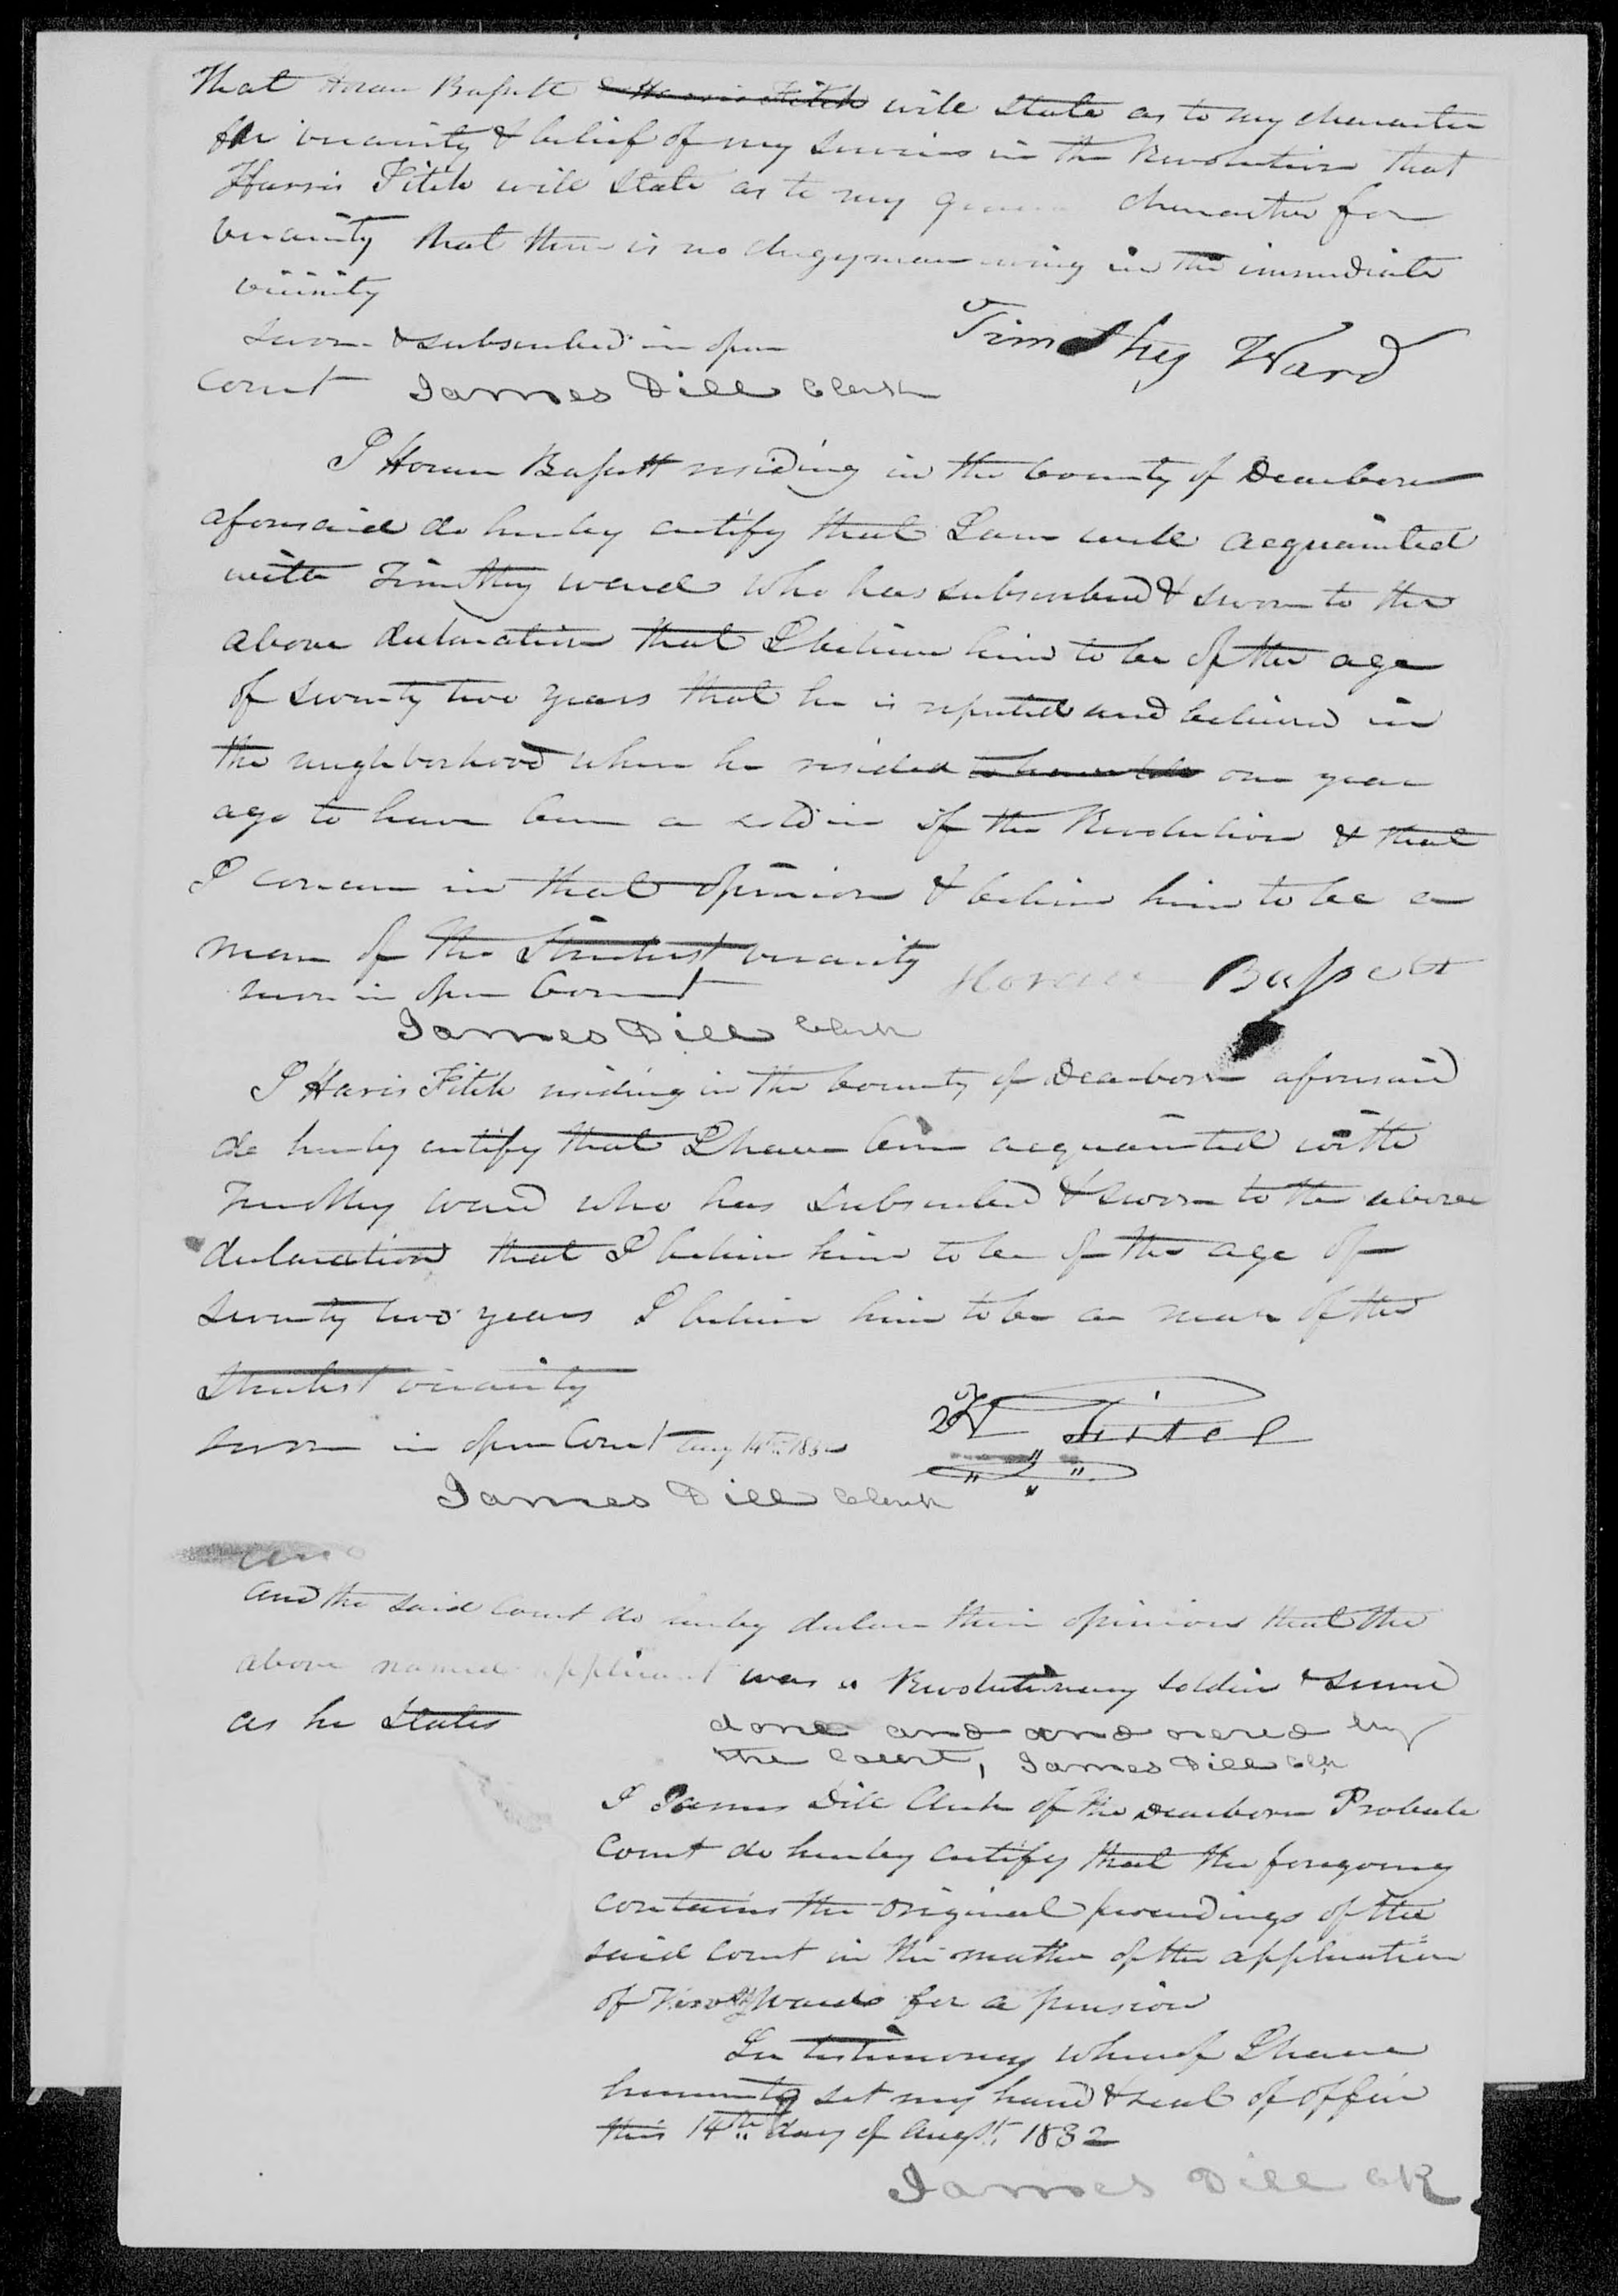That Horun Bassett [crossed out 'Harris Fitch'] will state as to my character for veracity &[and] belief of my Services in the Revolution that Harris Fitch will state as to my given character for veracity that there is no clergyman living in the immediate vicinity 
Timothy Ward [signature]
Sorn &[pand] subscribed in open court  James Dill   Clerk

I Horun Bassett residing in the County of Dearborn aforesaid do hereby certify that I am well acquainted with Timothy Ward who has Subscribed &[and] Sworn to the above declaration that I believe him to be of the age of seventy two years that he is reputed and believed in the neighborhood where he resided [crossed out 'to have [illegible word]'] one year ago to have been a soldier of the Revolution &[and] that I concur in that opinion &[and] believe him to be a man of the Strictest veracity.
Horun Bassett [signature]
Sworn in open Court
James Dill  Clerk

I Haris Fitch residing in the County of Dearborn aforesaid do hereby certify that I have been acquainted with Timothy Ward who has Subscribed &[and] Sworn to the above declaration that I believe him to be of the age seventy two years I believe him to be a man of the Strictest veracity
H Fitch
Sworn in open Court. Aug 14th 1832
James Dill   Clerk

And
And the Said Court do hereby declare their opinion that the above named applicant was a Revolutionary Soldier &[and] served as he States
done and and ordered by the Court,  James Dill  Clk

I James Dill  Clerk of the Dearborn Probate Court do hereby certify that the foregoing contains the original proceedings of this said court in the matter the application of Timothy Ward for a pension

In testimony whereof I have hereunto set my hand &[and] seal of office this 14th day of Augst. 1832
James Dill   Clk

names: H Fitch, James Dill, Timothy Ward, Harris Fitch, Horace Bassett, James Dill, James Dill, Timothy Ward, Timothy Ward, Timothy Ward, James Dill, James Dill, Haris Fitch, Horace Bassett, James Dill, Horace Bassett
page: 6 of 24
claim: survivor's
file: S. 17751, Timothy Ward, New Jersey